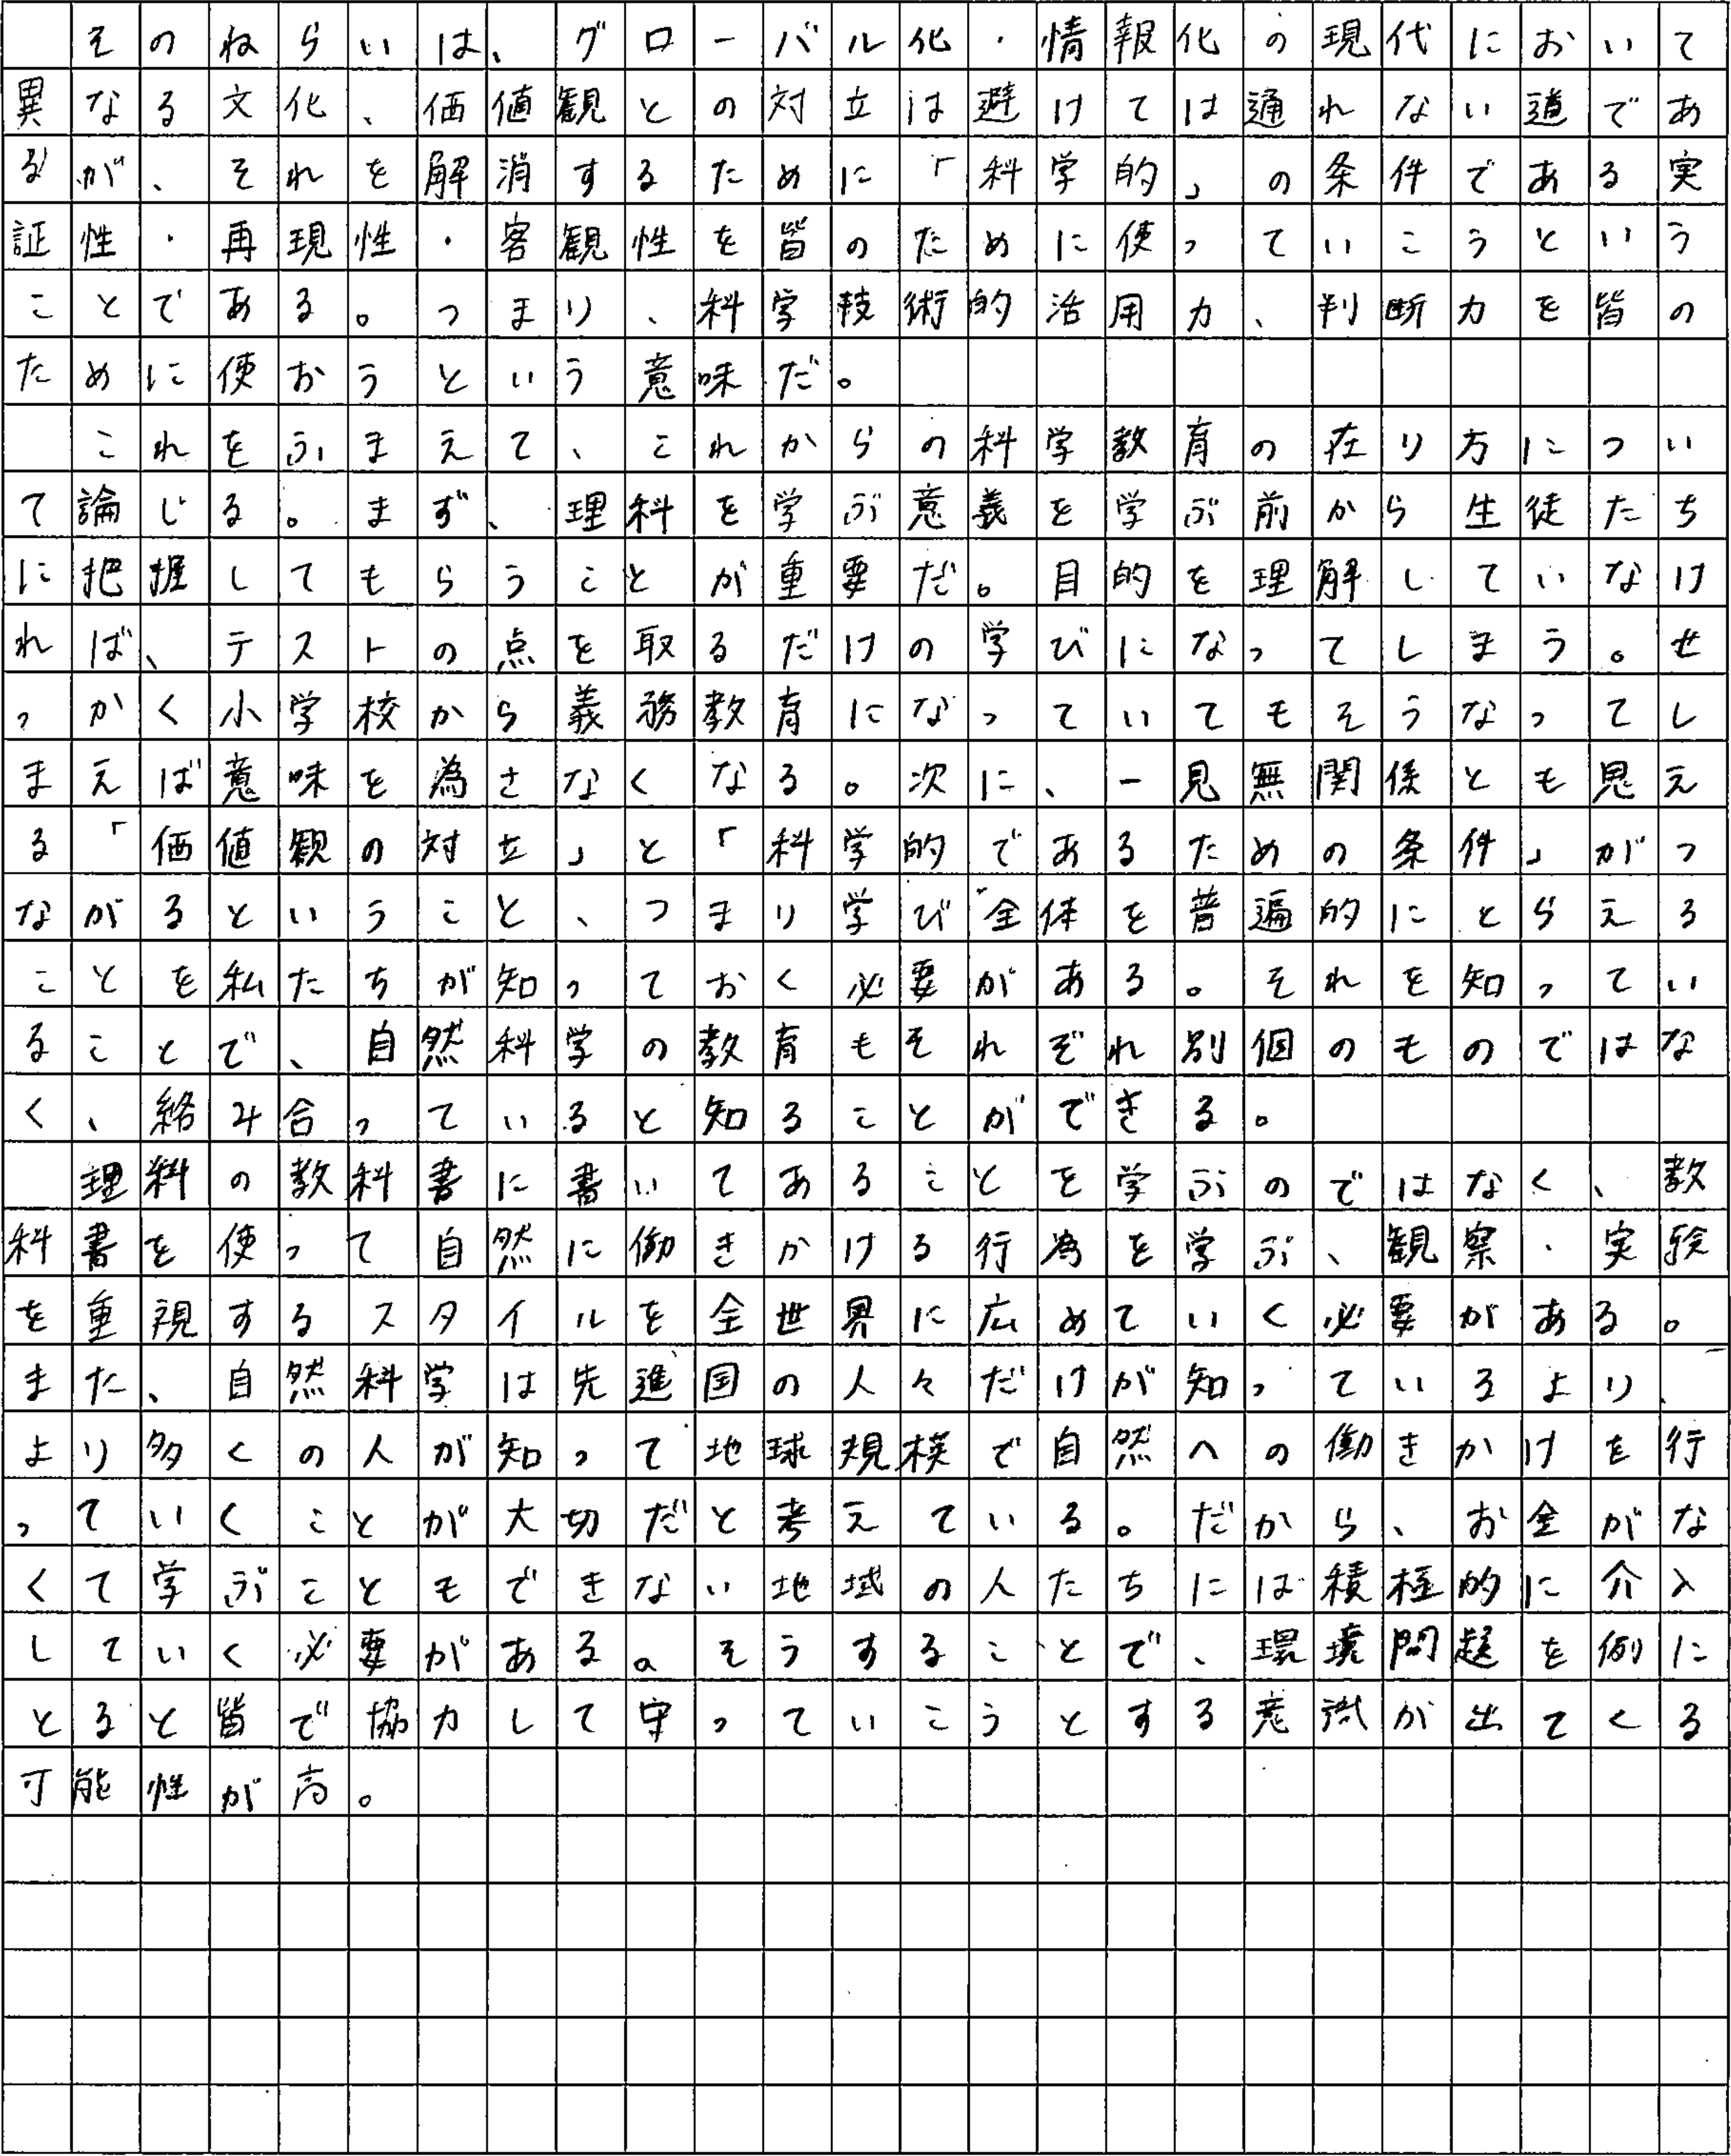　そのねらいは、グローバル化・情報化の現代において異なる文化、価値観との対立は避けては通れない道であるが、それを解消するために「科学的」の条件である実証性・再現性・客観性を皆のために使っていこうということである。つまり、科学技術的活用力、判断力を皆のために使おうという意味だ。
　これをふまえて、これからの科学教育の在り方について論じる。まず、理科を学ぶ意義を学ぶ前から生徒たちに把握してもらうことが重要だ。目的を理解していなければ、テストの点を取るだけの学びになってしまう。せっかく小学校から義務教育になっていてもそうなってしまえば意味を為さなくなる。次に、一見無関係とも思える「価値観の対立」と「科学的であるための条件」がつながるということ、つまり学び全体を普遍的にとらえることを私たちが知っておく必要がある。それを知っていることで、自然科学の教育をそれぞれ別個のものでなはなく、絡み合っていると知ることができる。
　理科の教科書に書いてあることを学ぶのではなく、教科書を使って自然に働きかける行為を学ぶ、観察・実験を重視するスタイルを全世界に広めていく必要がある。また、自然科学は先進国の人々だけが知っているより、より多くの人が知って地球規模で自然への働きかけを行っていくことが大切だと考えている。だから、お金がなくて学ぶこともできない地域の人たちには積極的に介入していく必要がある。そうすることで、環境問題を例にとると皆で協力して守っていこうとする意識が出てくる可能性が高。
